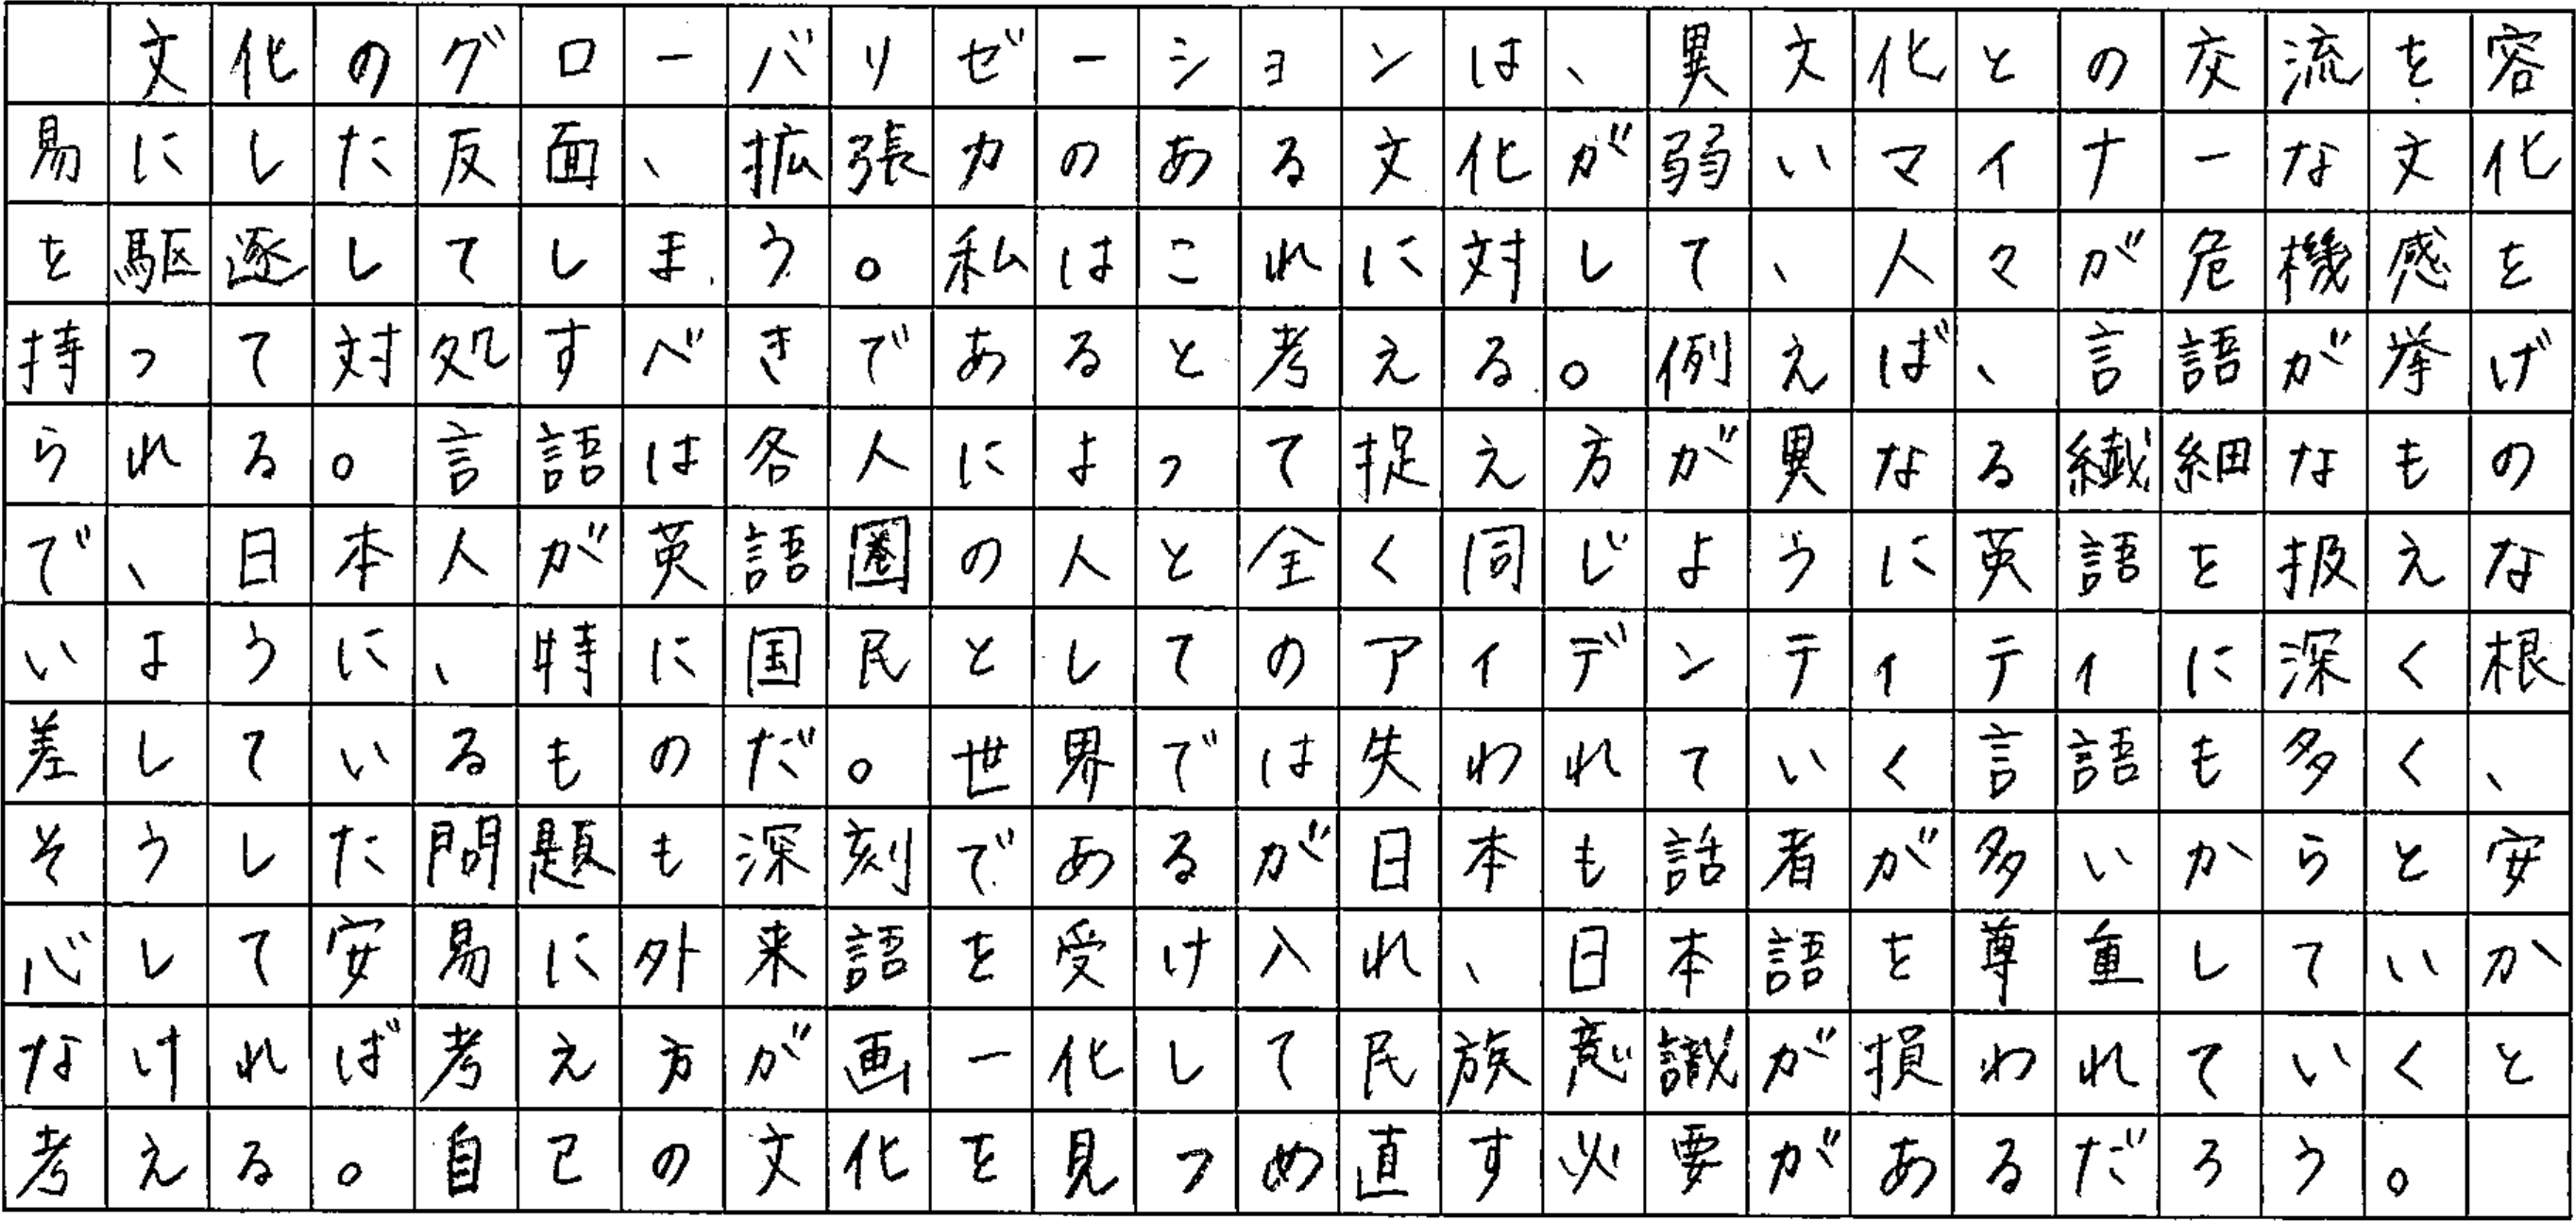　文化のグローバリゼーションは、異文化との交流を容易にした反面、拡張力のある文化が弱いマイナーな文化を駆逐してしまう。私はこれに対して、人々が危機感を持って対処すべきであると考える。例えば、言語が挙げられる。言語は各人によって捉え方が異なる繊細なもので、日本人が英語圏の人と全く同じように英語を扱えないように、特に国民としてのアイデンティティに深く根差しているものだ。世界では失われていく言語も多く、そうした問題も深刻であるが日本も話者が多いからと安心して安易に外来語を受け入れ、日本語を尊重していかなければ考え方が画一化して民族意識が損われていくと考える。自己の文化を見つめ直す必要があるだろう。
